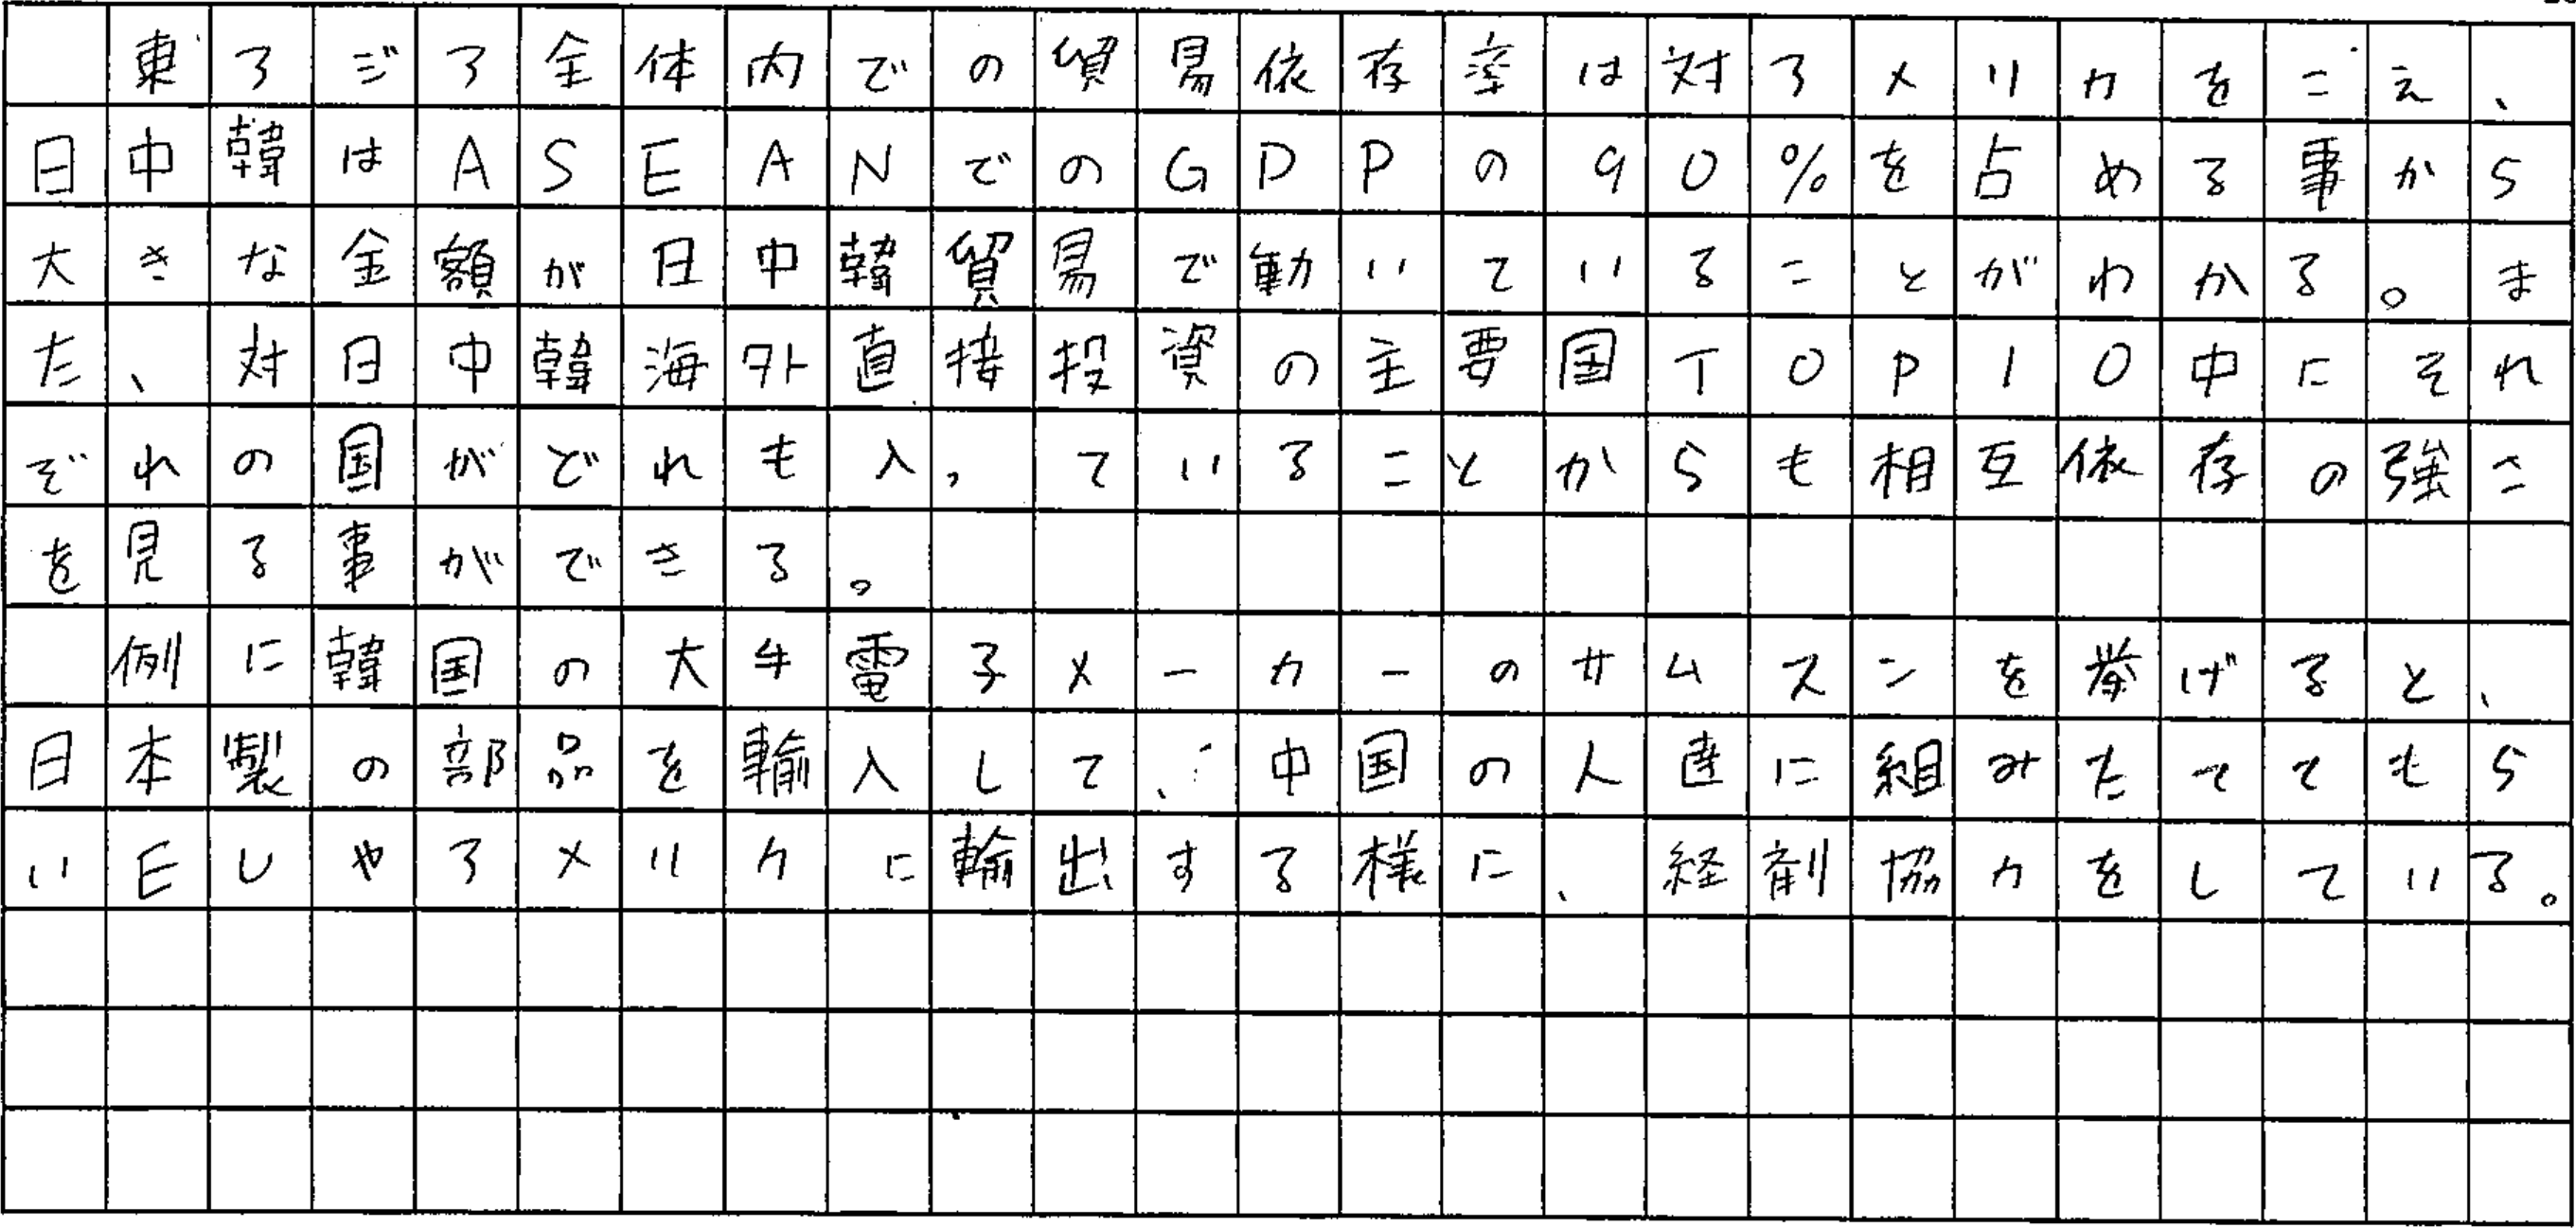　東アジア全体内での貿易依存率は対アメリカをこえ、日中韓はＡＳＥＡＮでのＧＤＰの９０％を占める事から大きな金額が日中韓貿易で動いていることがわかる。また、対日中韓海外直接投資の主要国ＴＯＰ１０中にそれぞれの国がどれも入っていることからも相互依存の強さを見る事ができる。
　例に韓国の大手電子メーカーのサムスンを挙げると、日本製の部品を輸入して、中国の人▁に組みたててもらいＥＵやアメリカに輸出する様に、経剤協力をしている。
